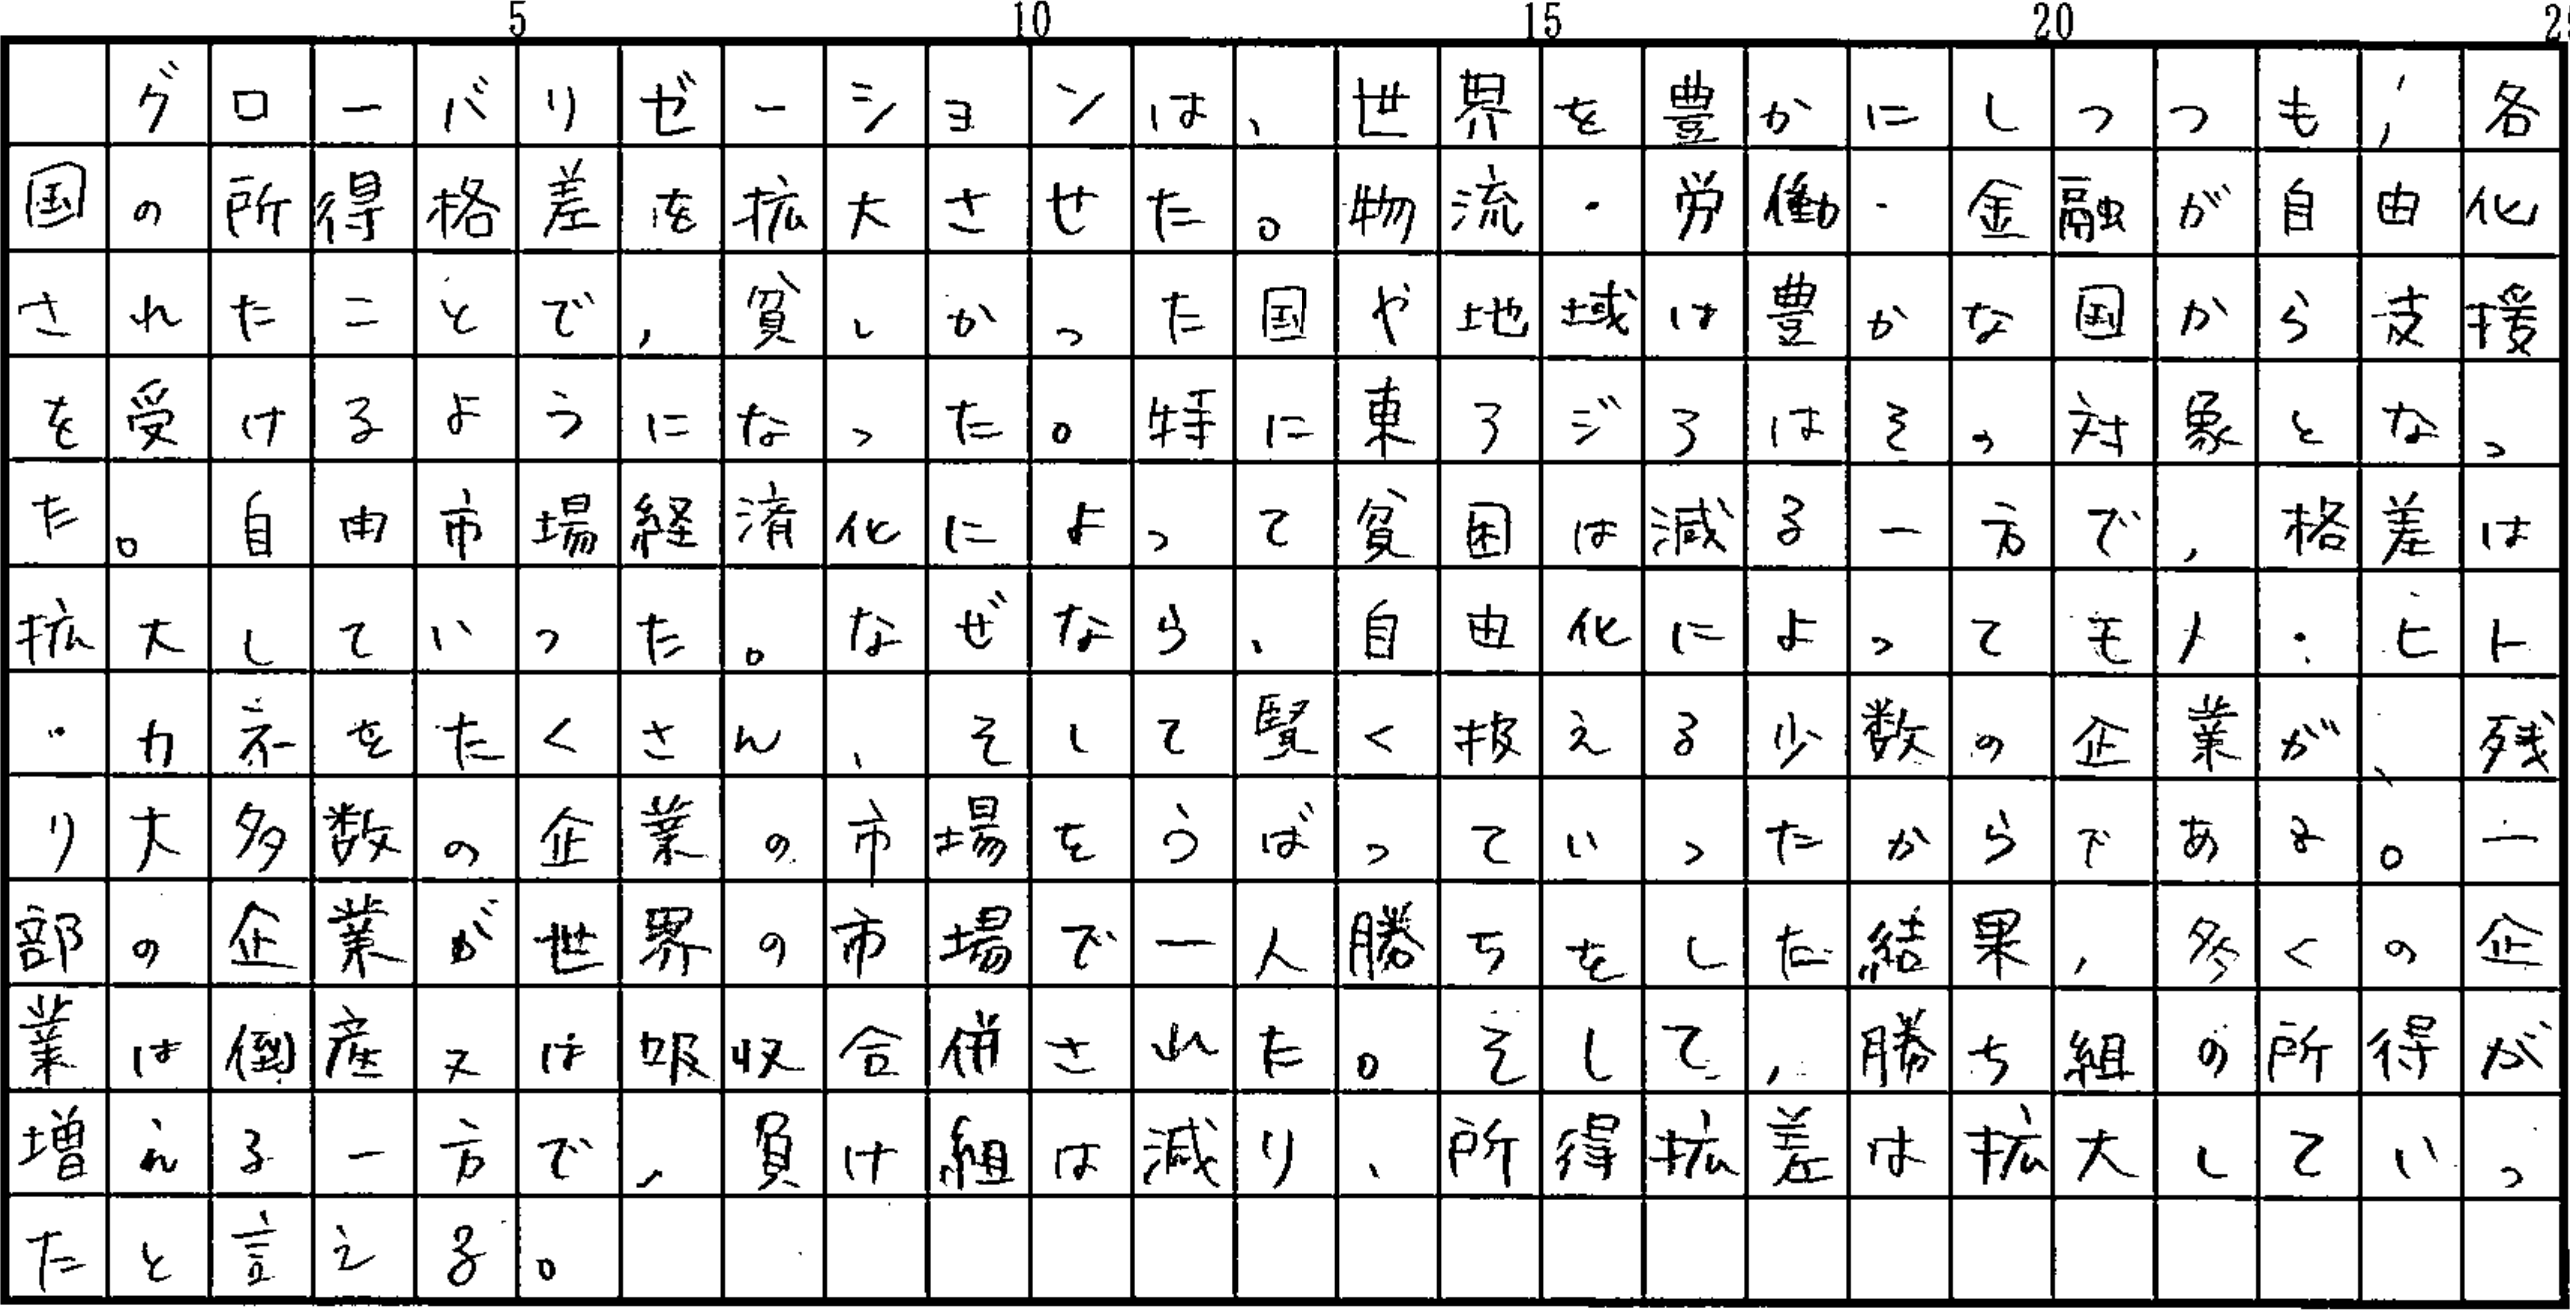　グローバリーゼーションは、世界を豊かにしつつも、各国の所得格差を拡大させた。物流・労働・金融が自由化されたことで、貧しかった国や地域は豊かな国から支援を受けるようになった。特に東アジアはその対象となった。自由市場経済化によって貧困は減る一方で、格差は拡大していった。なぜなら、自由化によってモノ・ヒト・カネをたくさん、そして賢く扱える少数の企業が、残り大多数の企業の市場をうばっていったからである。一部の企業が世界の市場で一人勝ちをした結果、多くの企業は倒産又は吸収合併された。そして、勝ち組の所得が増える一方で、負け組は減り、所得格差は拡大していったと言える。
